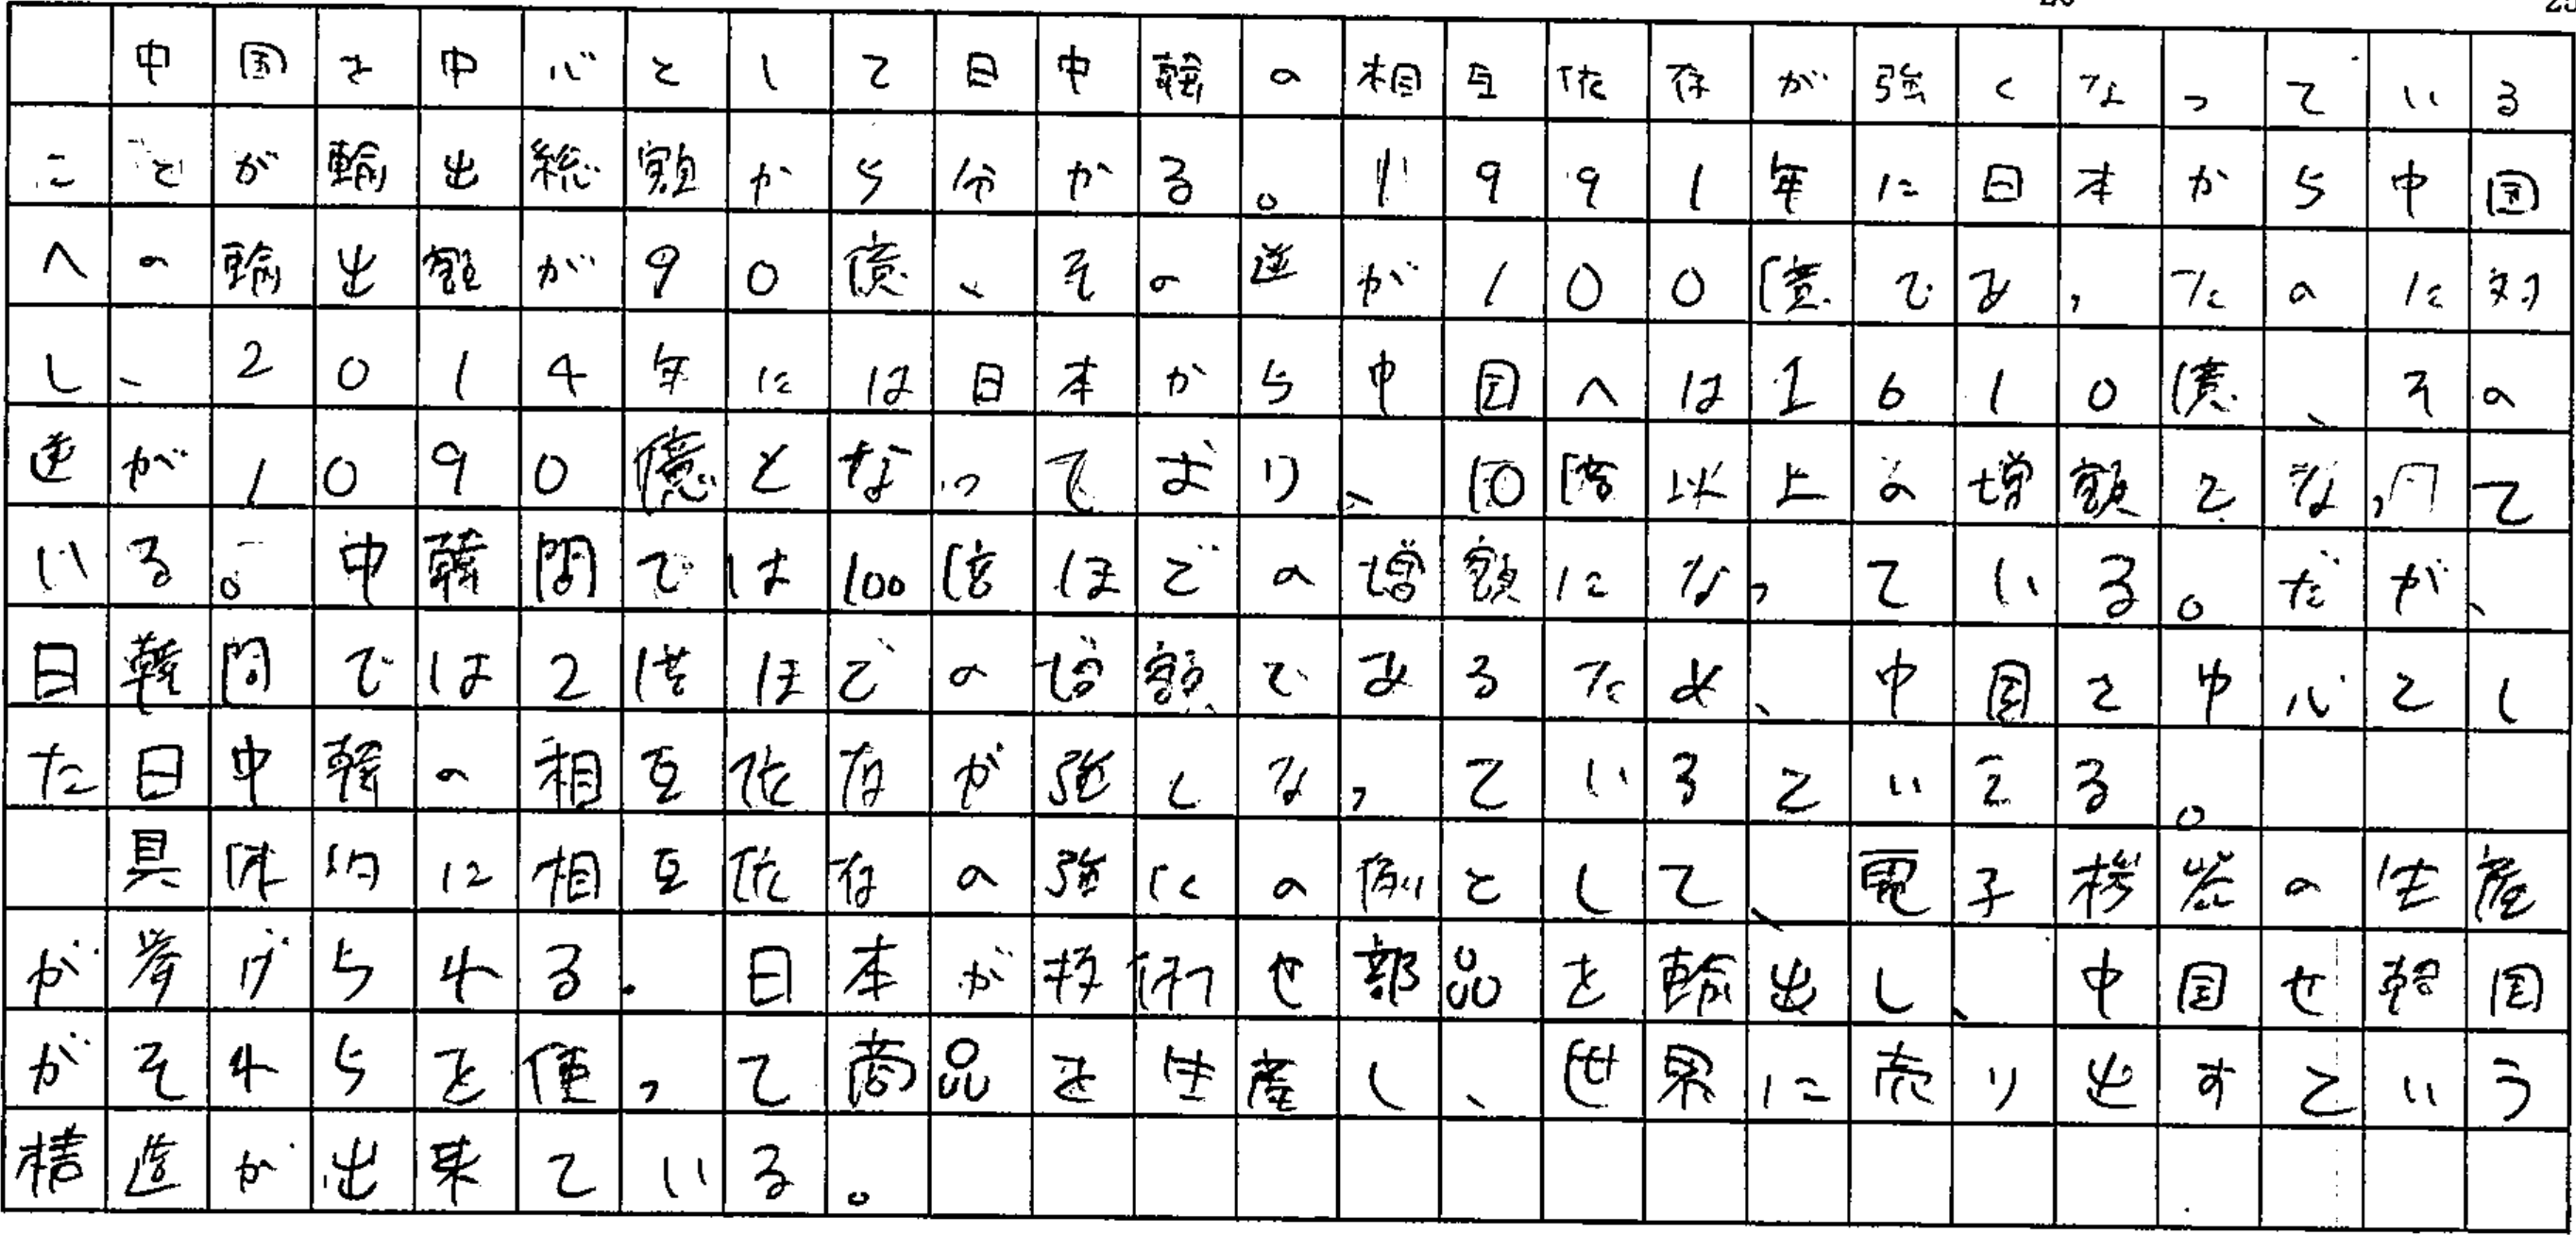　中国を中心として日中韓の相互依存が強くなっていることが輸出総額から分かる。１９９１年に日本から中国への輸出額が９０億、その逆が１００億であったのに対し、２０１４年には日本から中国へは１６１０億、その逆が１０９０億となっており、10倍以上の増額となっている。中韓間では100倍ほどの増額になっている。だが、日韓間では２倍ほどの増額であるため、中国を中心とした日中韓の相互依存が強くなっているといえる。
　具体的に相互依存の強化の例として、電子▁器の生産が挙げられる。日本が技▁や部品を輸出し、中国や韓国がそれらを使って商品を生産し、世界に売り出すという▁造が出来ている。
